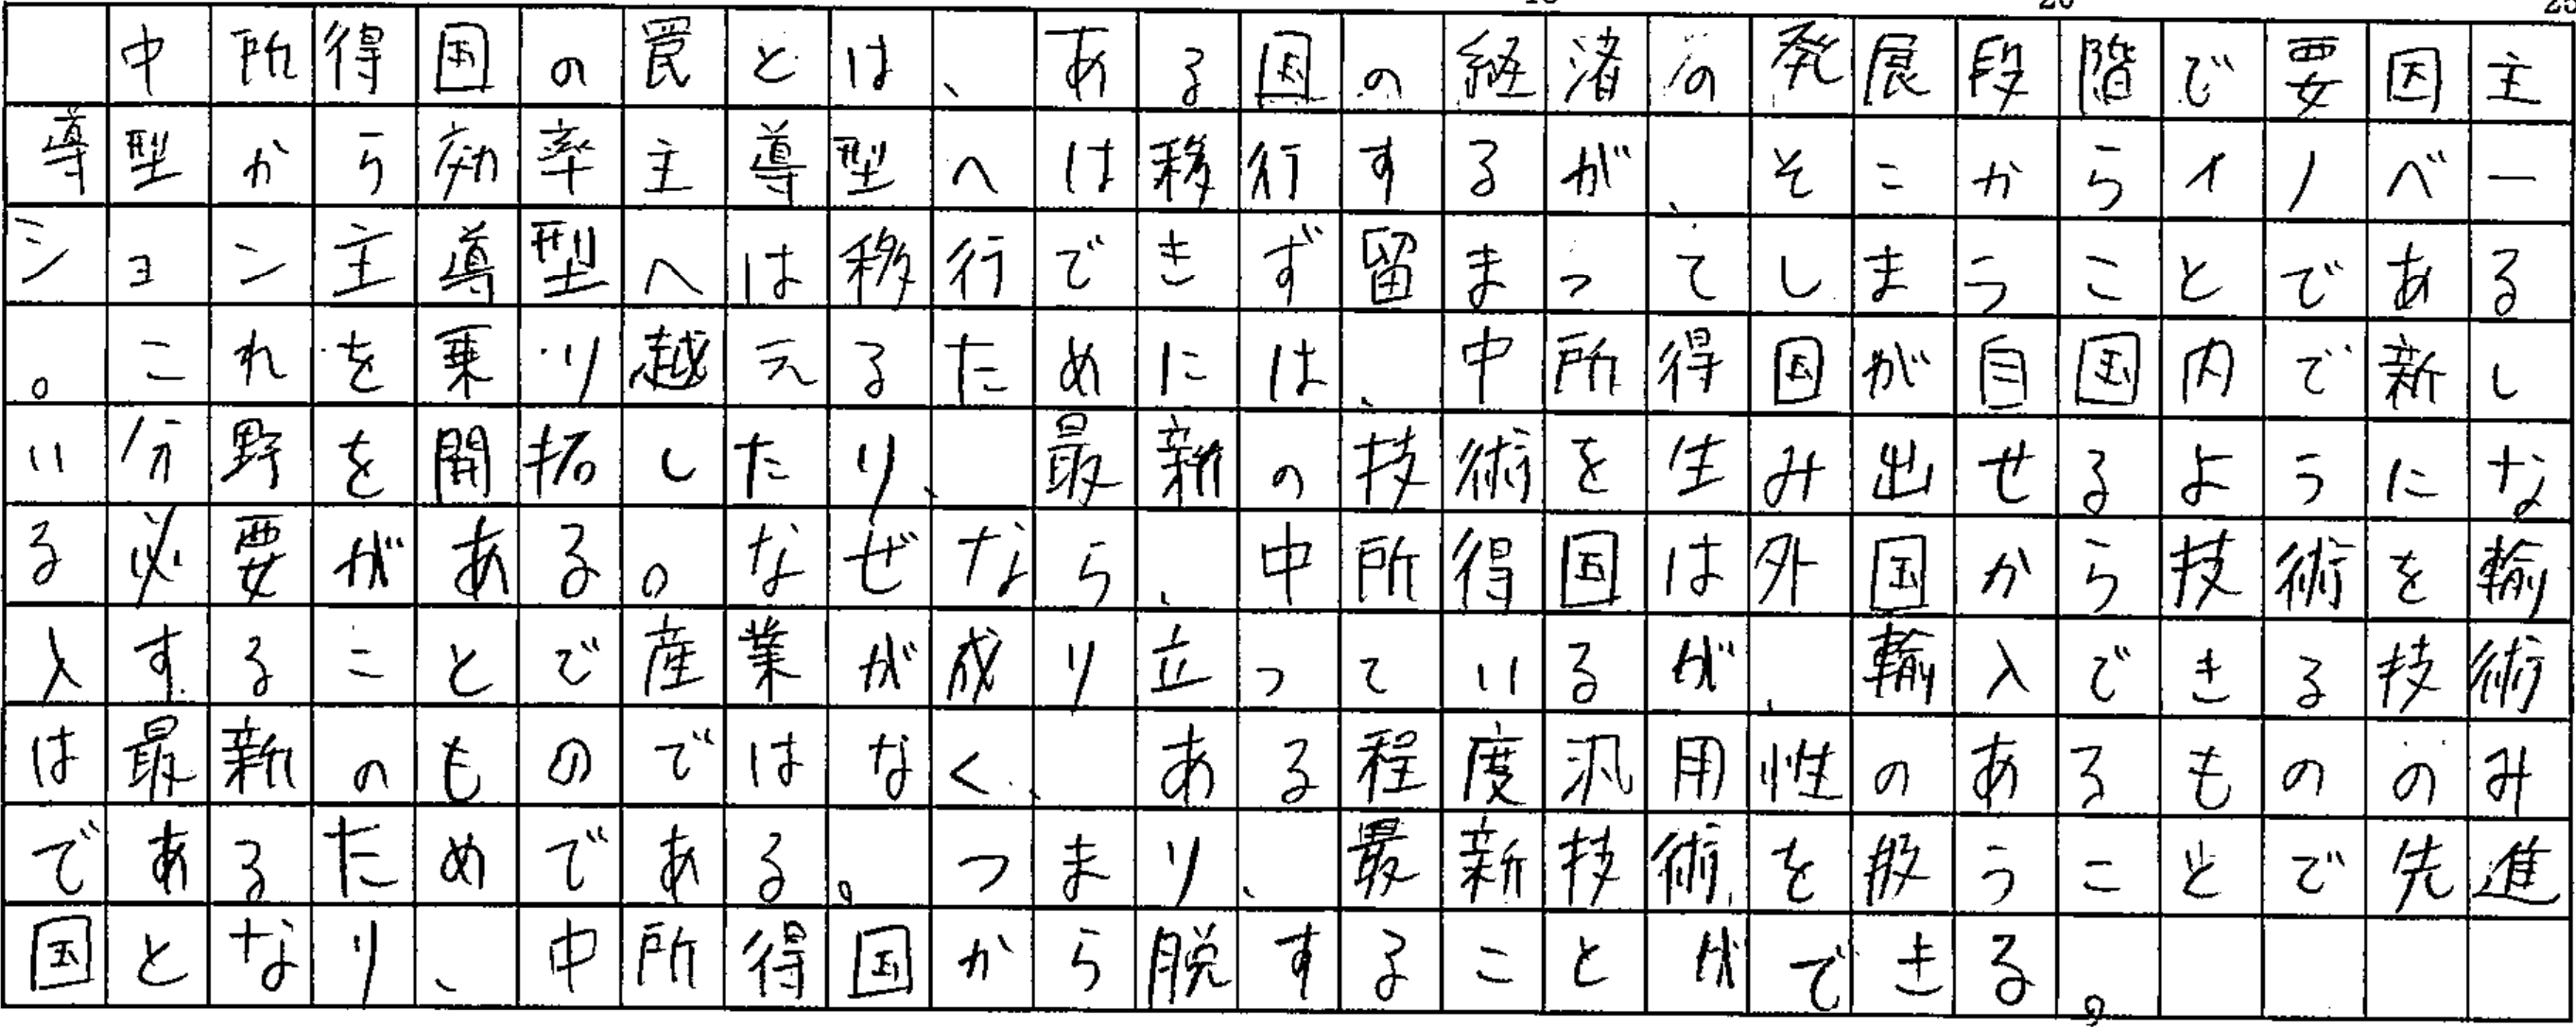　中所得国の罠とは、ある国の経済の発展段階で要因主導型から効率主導型へは移行するが、そこからイノベーション主導型へは移行できず留まってしまうことである。これを乗り越えるためには、中所得国が自国内で新しい分野を開拓したり、最新の技術を生み出せるようになる必要がある。なぜなら、中所得国は外国から技術を輸入することで産業が成り立っているが、輸入できる技術は最新のものではなく、ある程度汎用性のあるもののみであるためである。つまり、最新技術を扱うことで先進国となり、中所得国から脱することができる。
